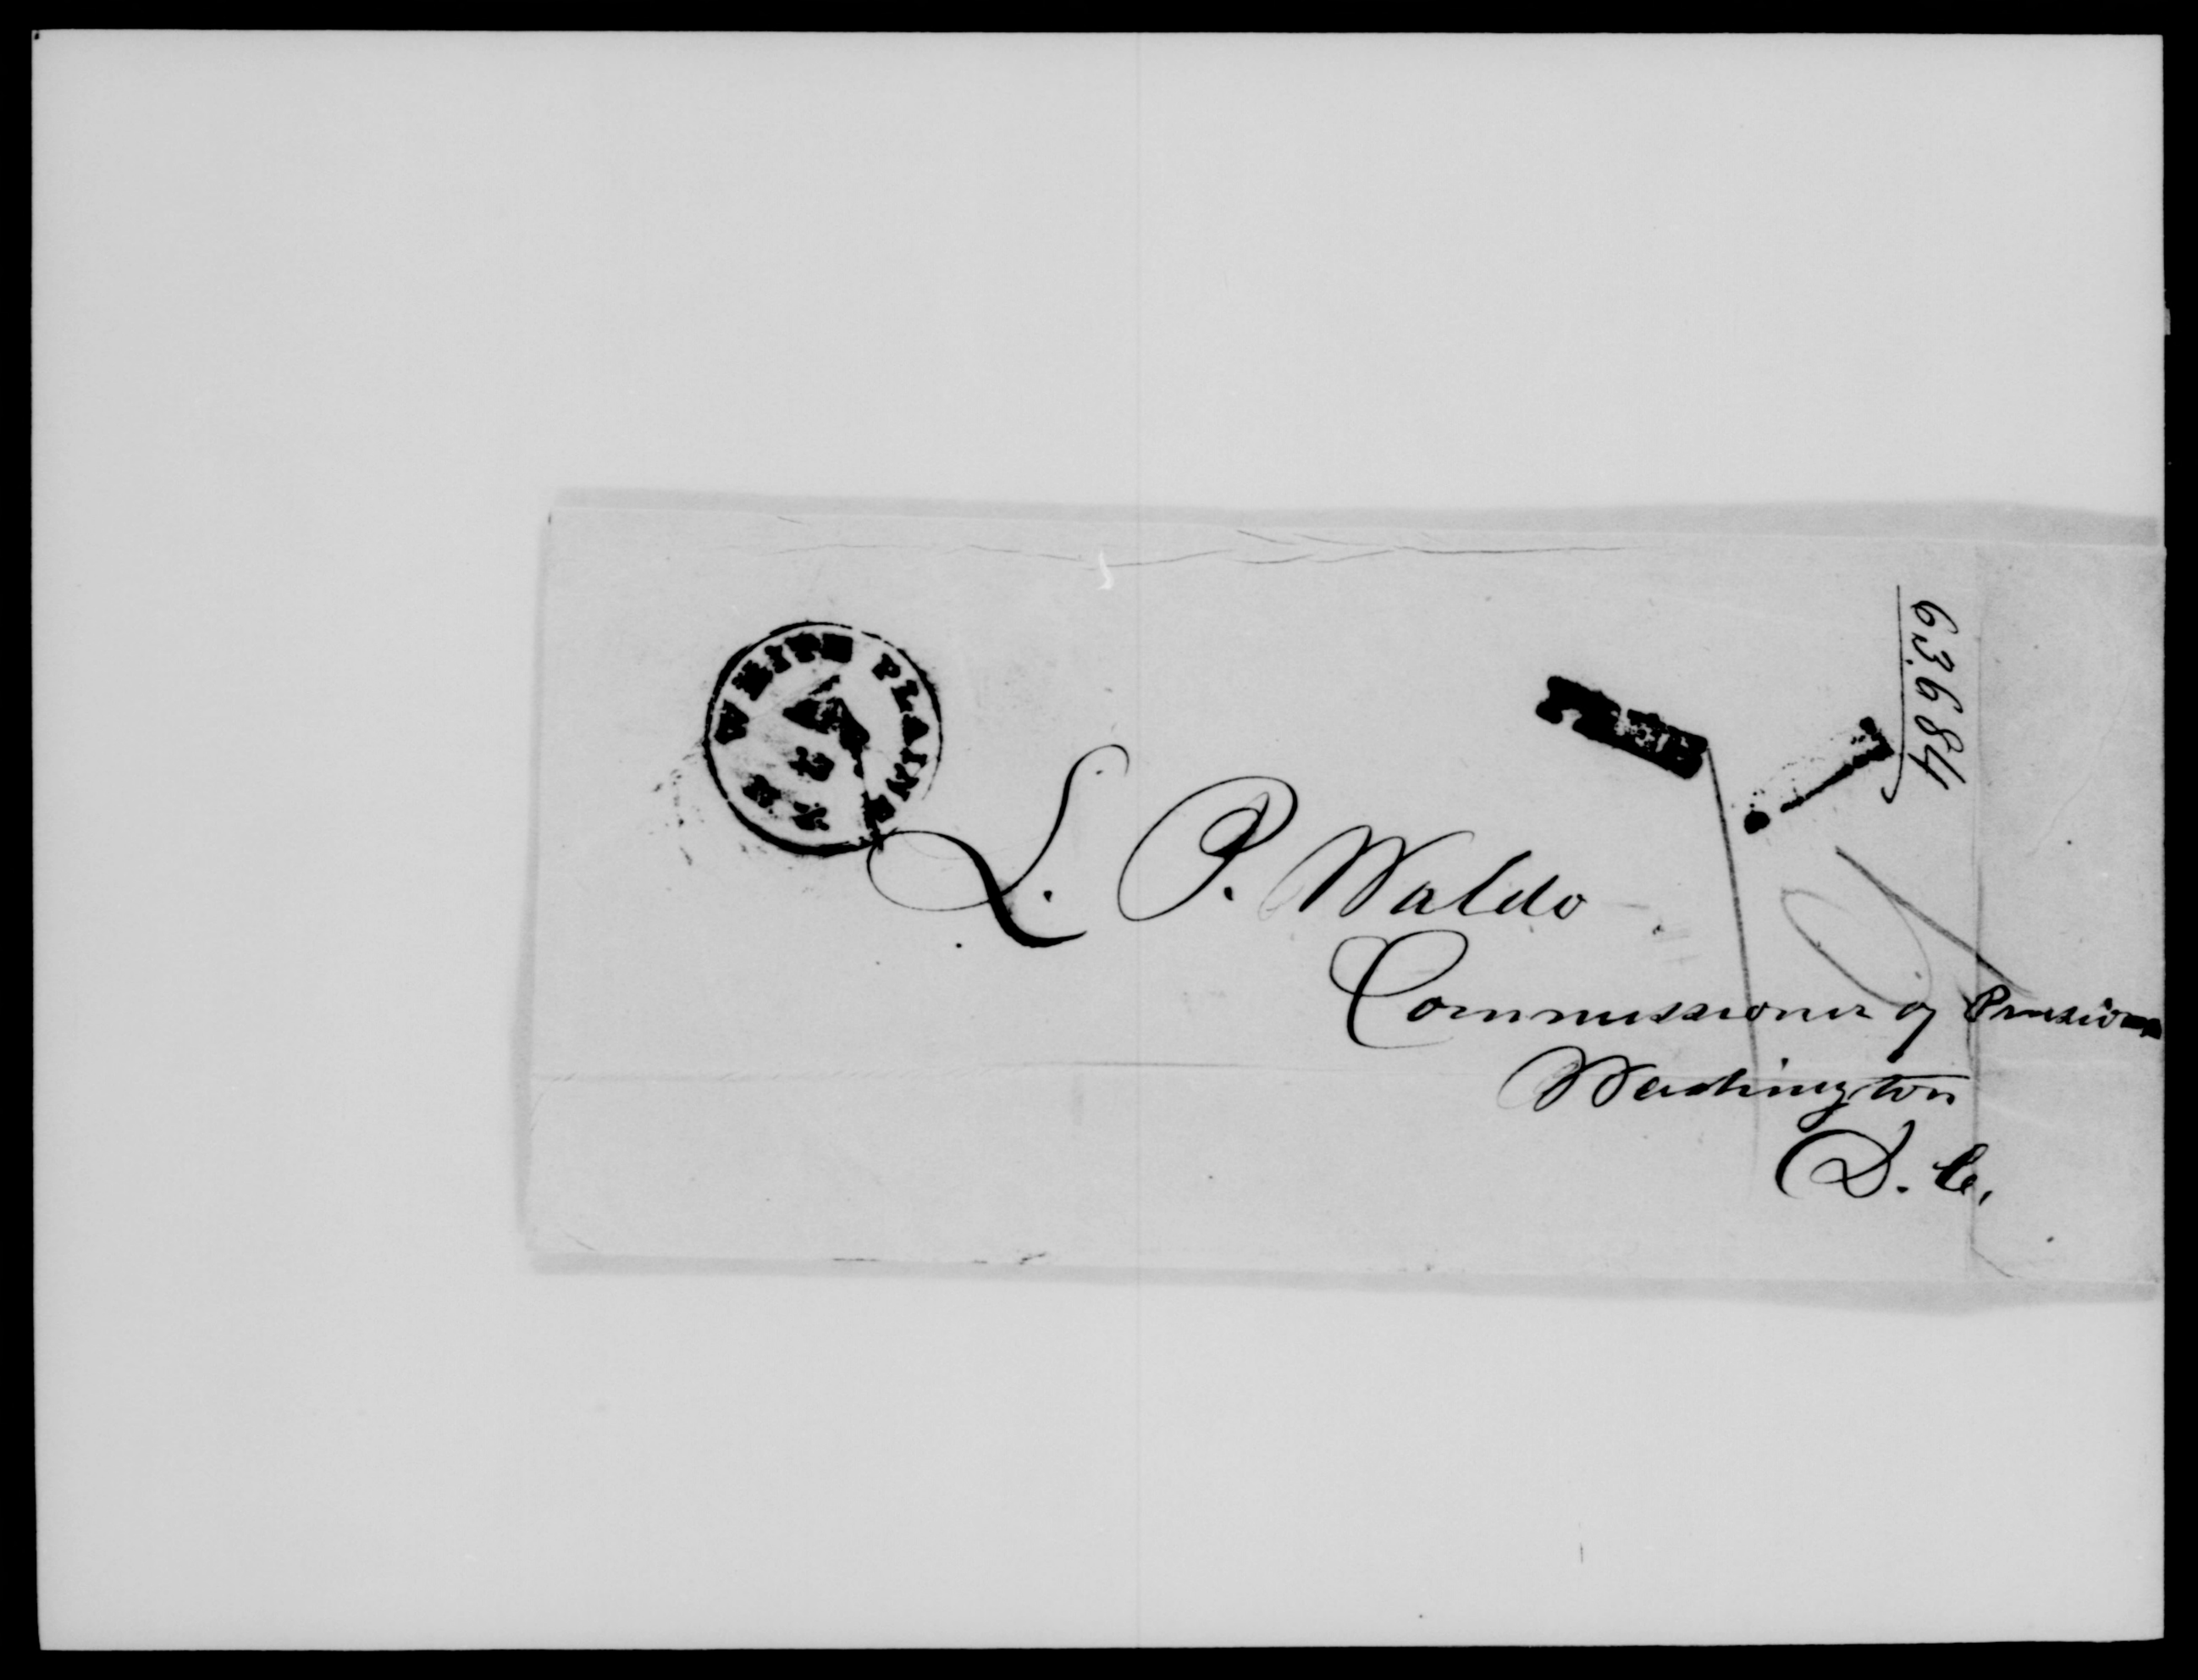[stamp] WHITE PLAINS NY APL 3
FREE
63684
L. P. Waldo
Commissioner of Pensions
Washington D. C.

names: L P Waldo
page: 33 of 87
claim: widow's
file: W. 22,226, for Nathan Slawson, Connecticut